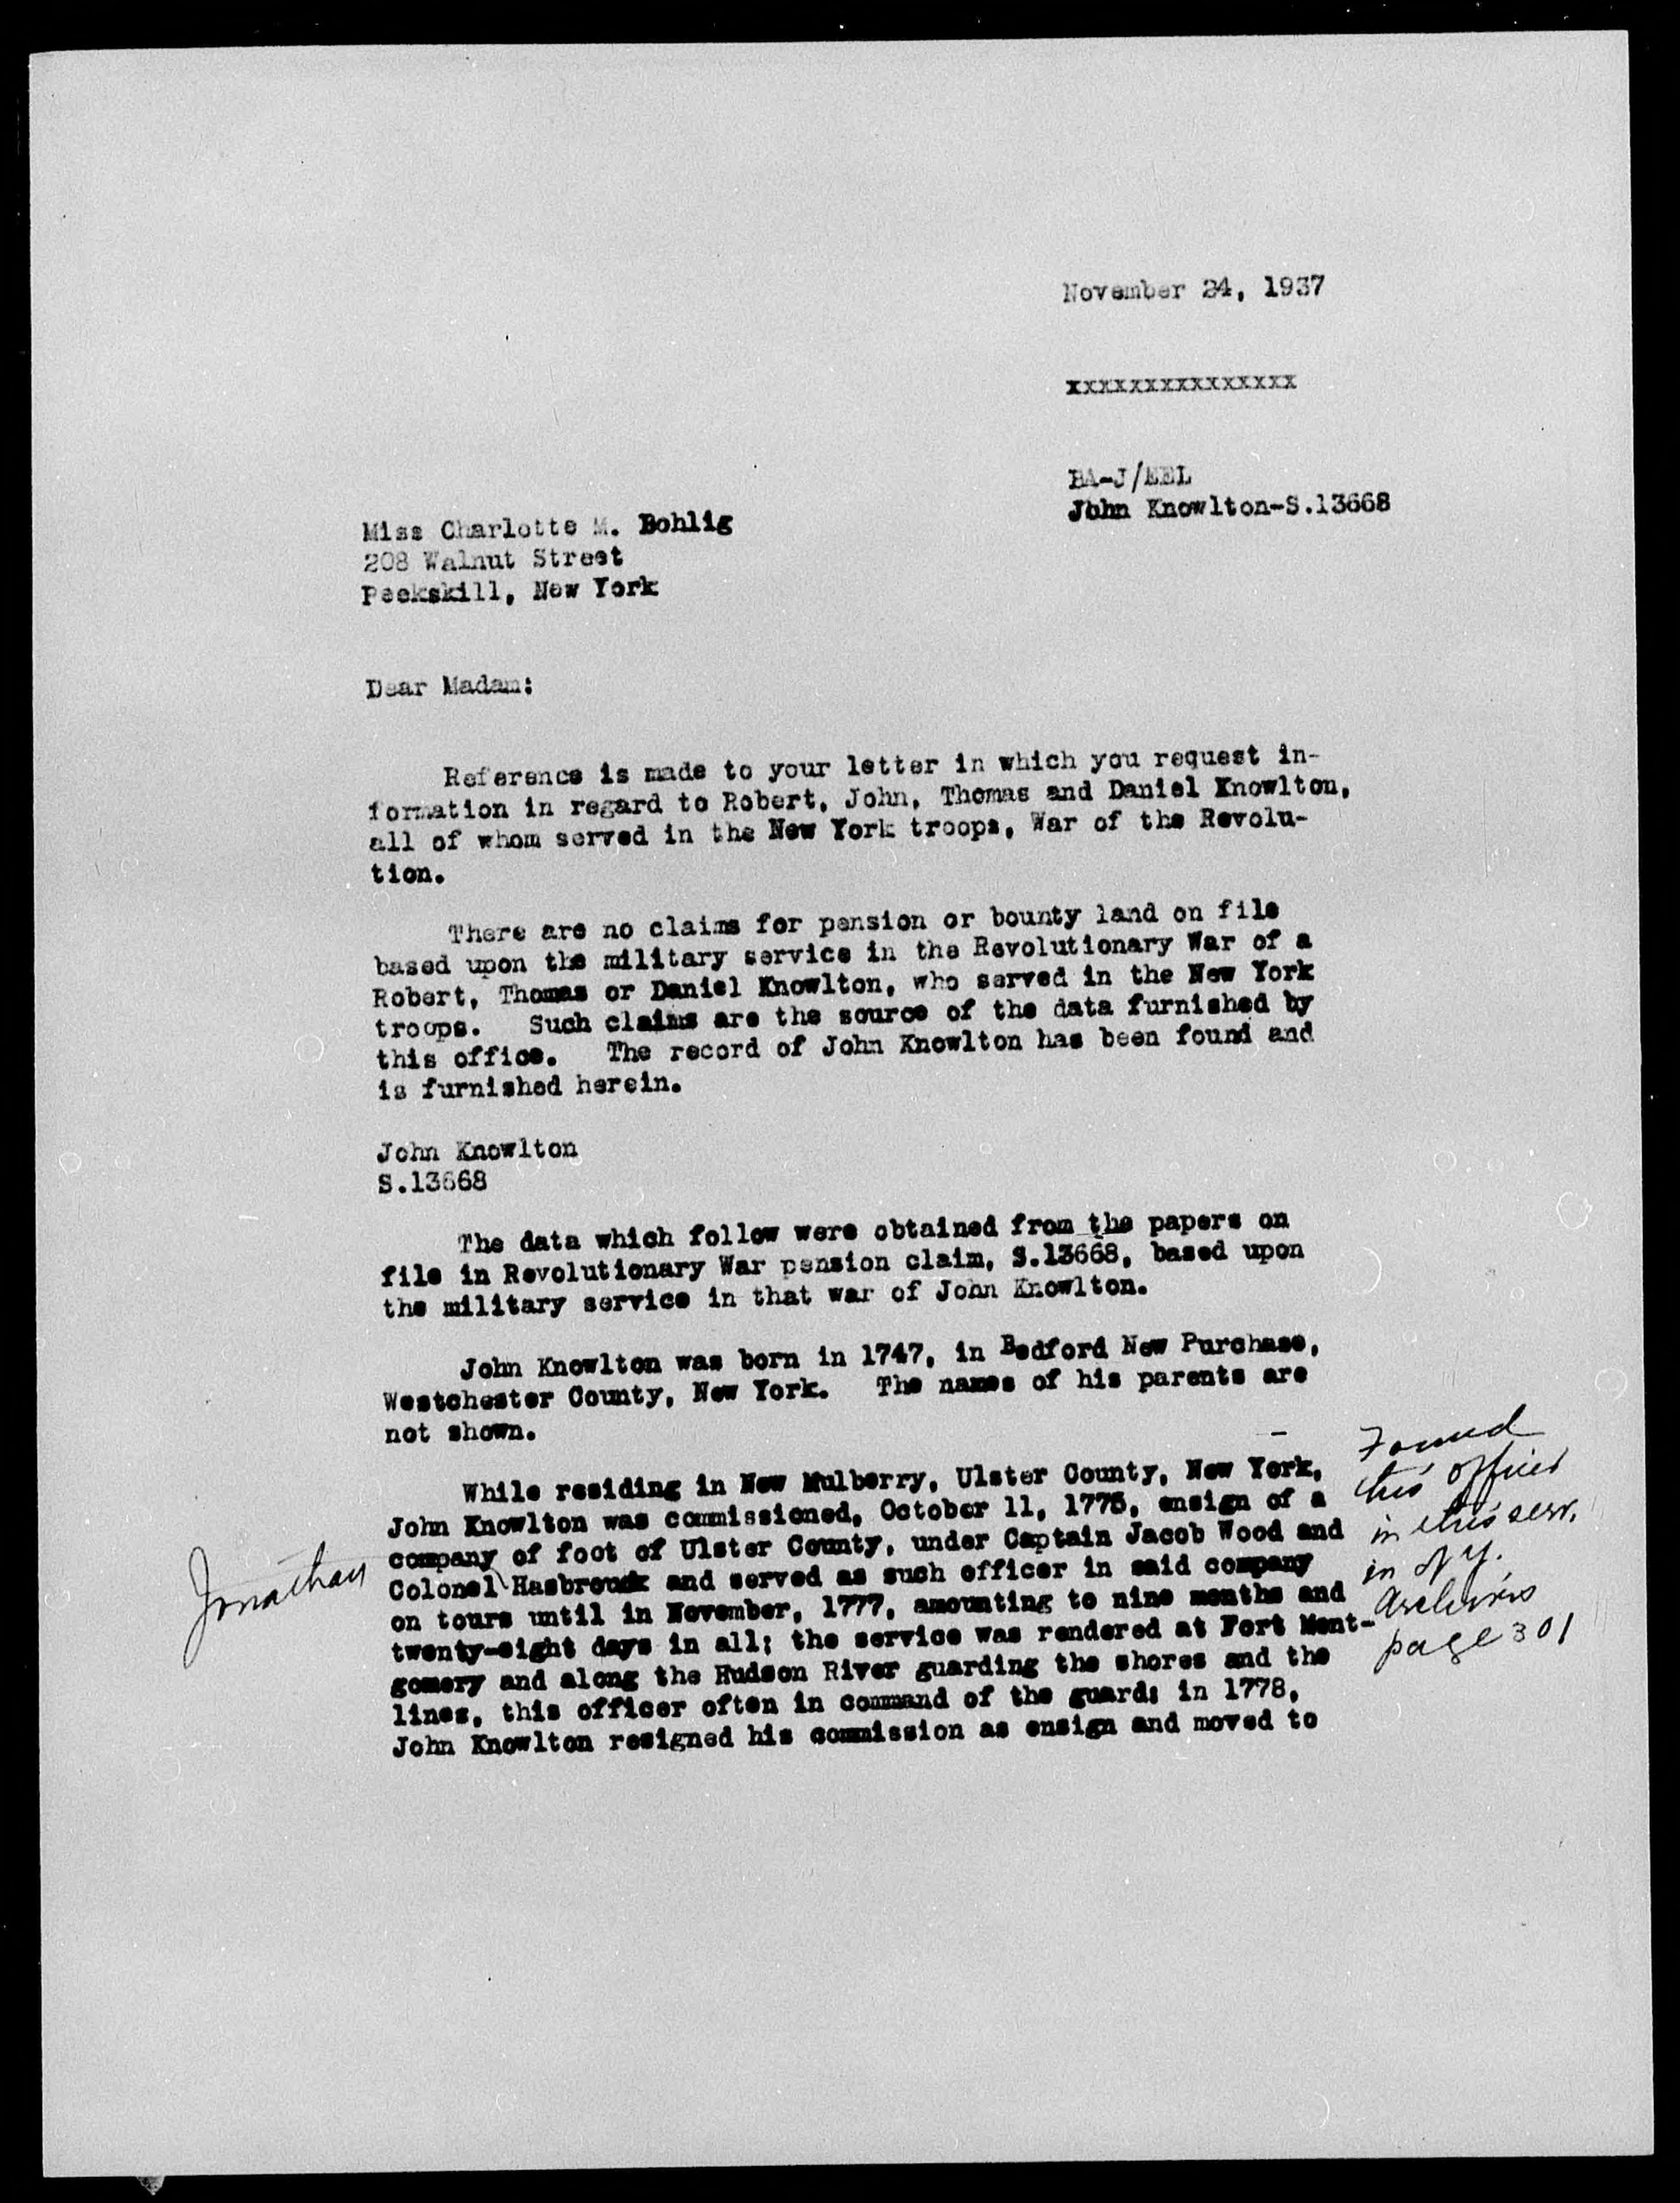November 24, 1937
XXXXXXXXXXXXXXX
BA-J/EEL
John Knowlton-S. 13668

Miss Charlotte M. Bohlig
208 Walnut Street
Peekskill, New York
Dear Madam:
Reference is made to your letter in which you request information in regard to Robert, John, Thomas and Daniel Knowlton, all of whom served in the New York troops, War of the Revolution.
There are no claim for pension or bounty land on file based upon the military service in the Revolutionary War of a Robert, Thomas or Daniel Knowlton, who served in the New York troops. Such claims are the source of the data furnished by this office. The record of John Knowlton has been found and is furnished herein.
John Knowlton
S. 13668
The data which follow were obtained from the papers on file in Revolutionary War pension claim, S. 13668, based upon the military service in that war of John Knowlton.
John Knowlton was born in 1747, in Bedford New Purchase, Westchester County, New York. The names of his parents are not shown.
While residing in New Mulberry, Ulster County, New York John Knowlton was commissioned, October 11, 1775, ensign of a Company of foot of Ulster County, under Captain Jacob Wood and  Colonel Jonathan Hasbrook and served as such officer in said Company on tours until in November, 1777, amounting to nine months and
twenty-eight days in all; the service was rendered at Fort Montgomery  and along the Hudson River guarding the shores and the lines, this officer often in command of the guards in 1778, John Knowlton resigned his commission as ensign and moved to

[written by hand in right margin:] Found this officer in this serv. in NY. Areliners page 301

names: Jacob Wood; Charlotte M Bohlig; John Knowlton; Daniel Knowlton; Jonathan Hasbrouck; Thomas Knowlton; Robert Knowlton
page: 15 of 25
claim: survivor's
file: S. 13668, for John Knowlton, New York